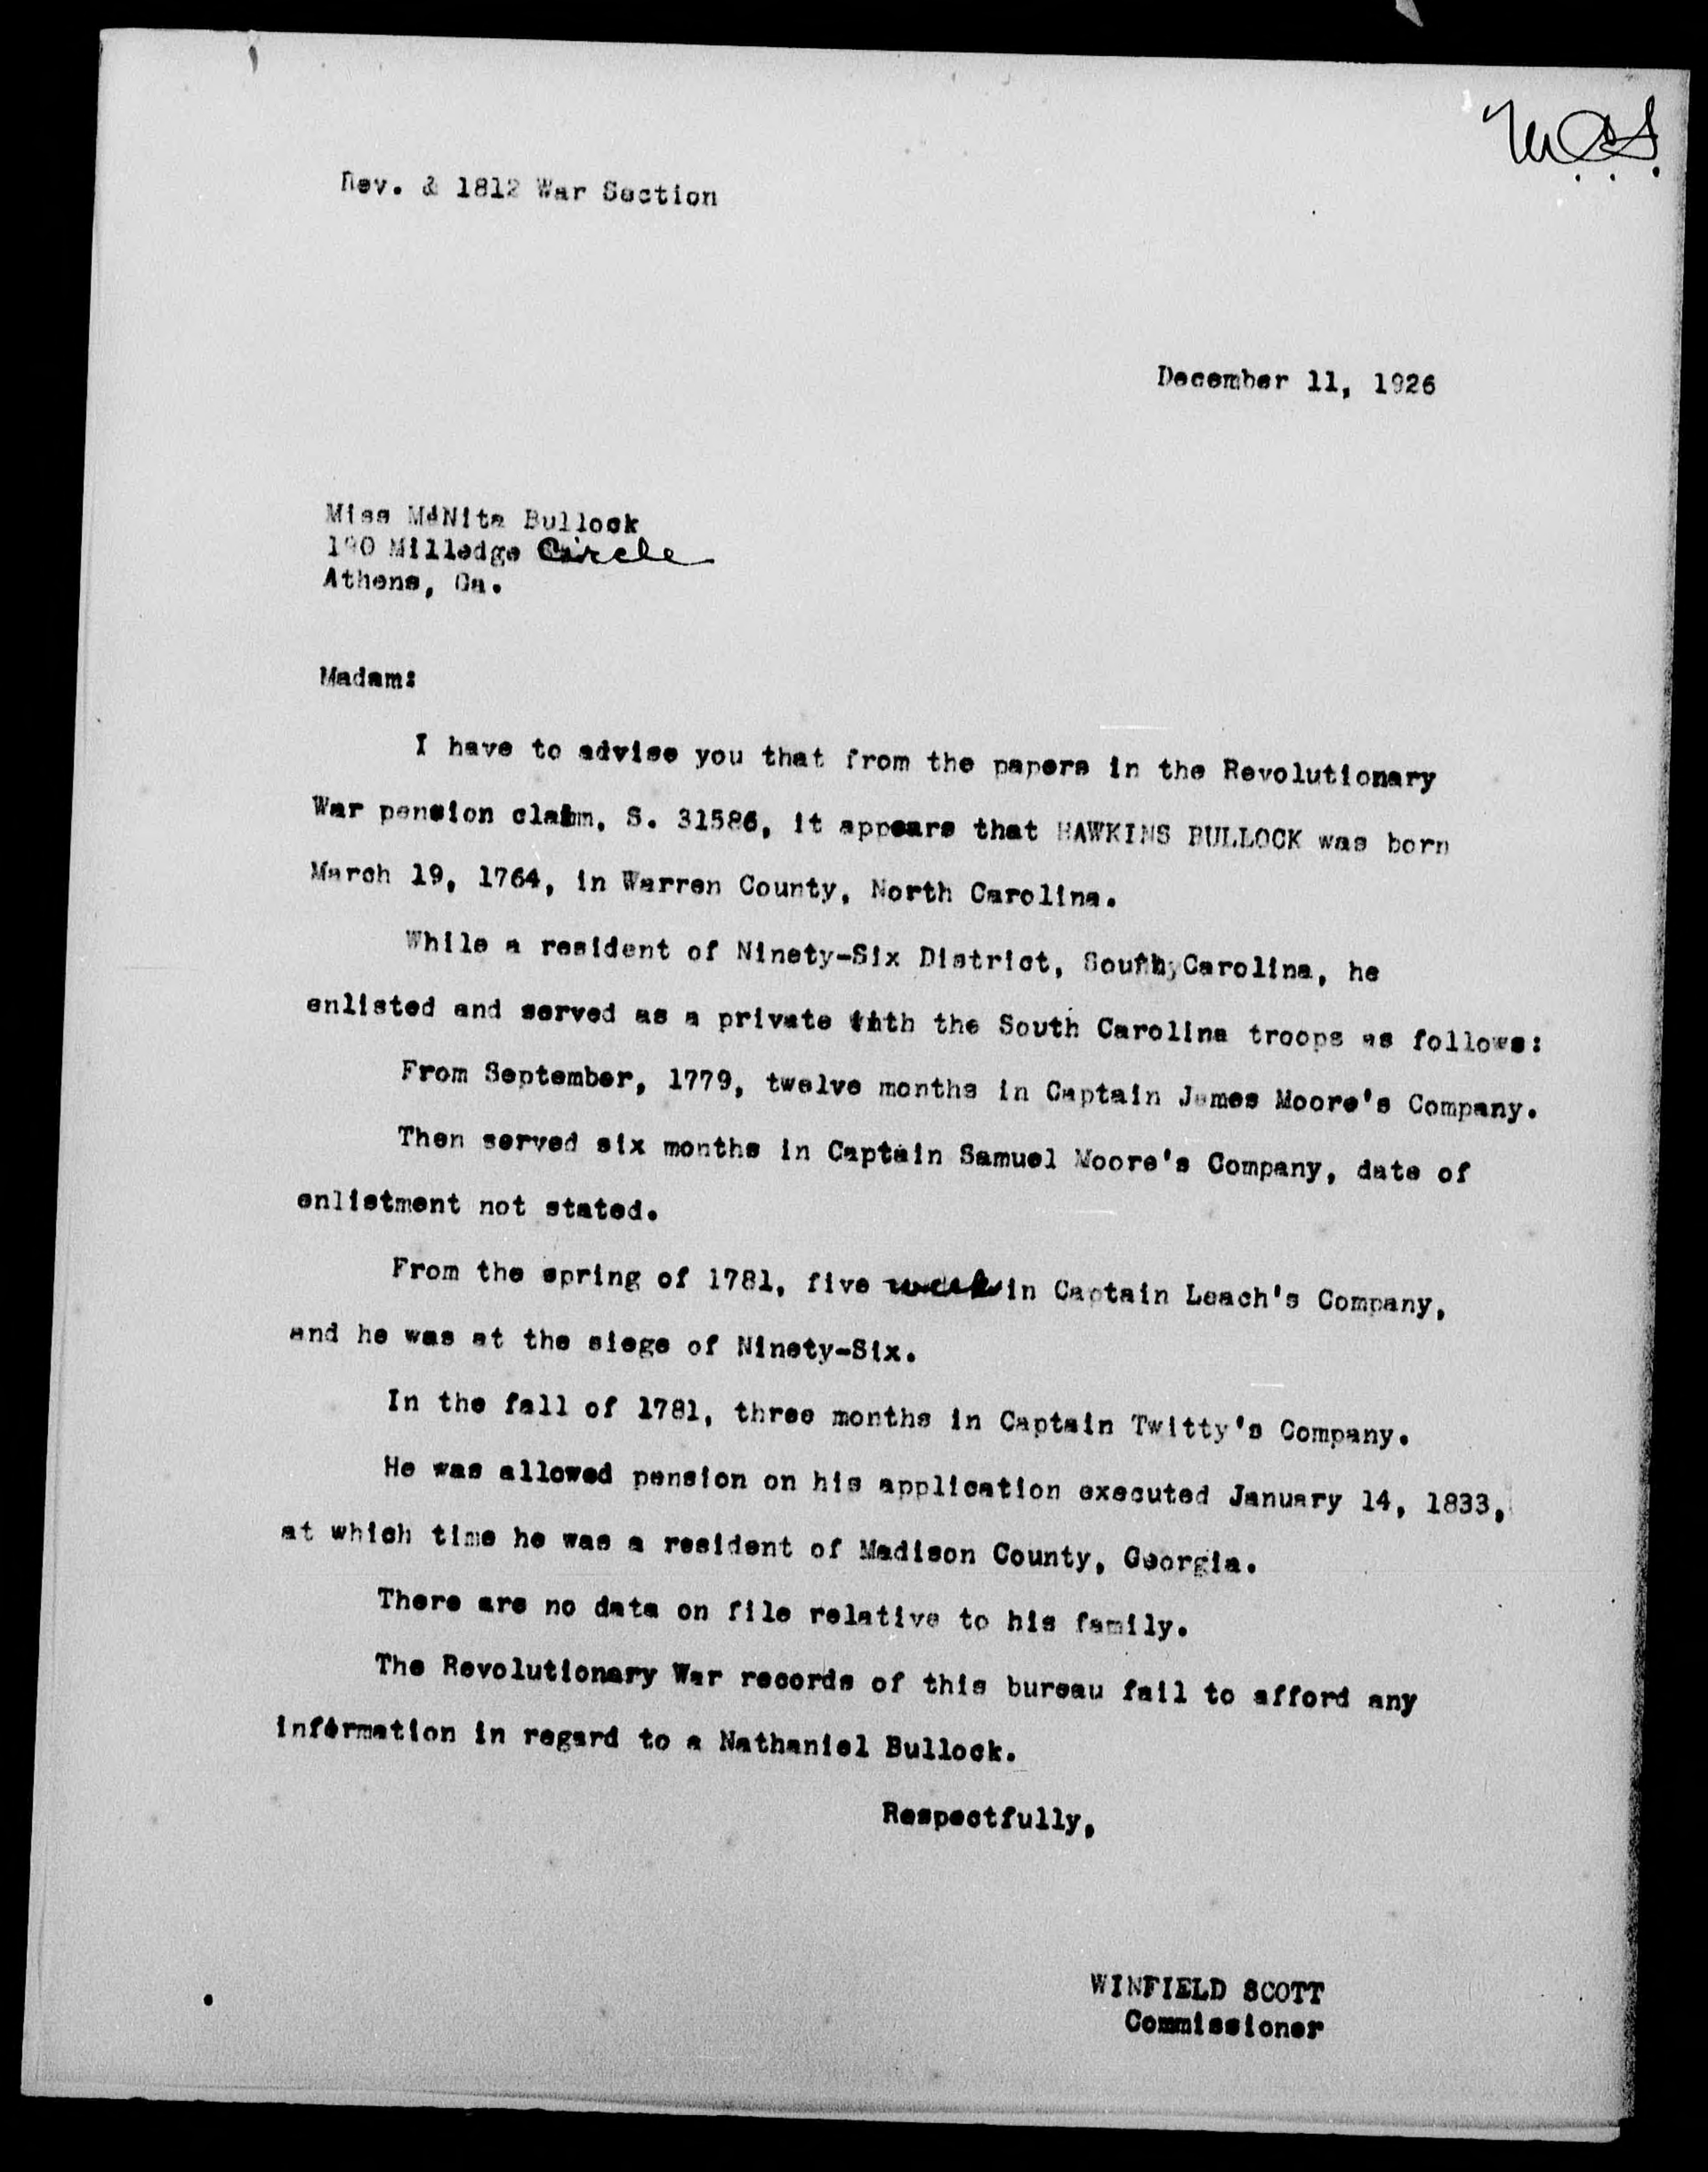M.C.S.
Rev. & 1812 War Section

December 11, 1926

Miss MaNita Bullock
190 Milledge Circle
Athens, Ga.

Madam:
I have to advise you that from the papers in the Revolutionary War pension claim, S. 31586, it appears that HAWKINS BULLOCK was born March 19, 1764, in Warren County, North Carolina.
While a resident of Ninety-Six District, South Carolina, he enlisted and served as a private with the South Carolina troops as follows:
From September, 1779, twelve months in Captain James Moore's Company.
Then served six months in Captain Samuel Moore's Company, date of enlistment not stated.
From the spring of 1781, five weeks in Captain Leach's Company, and he was at the siege of Ninety-six.
In the fall of 1781, three months in Captain Twitty's Company.
He was allowed pension on his application executed January 14, 1833, at which time he was a resident of Madison County, Georgia.
There are no data on file relative to his family.
The Revolutionary War records of this bureau fail to afford any information in regard to a Nathaniel Bullock.
Respectfully,
WINFIELD SCOTT
Commissioner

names: Ma Nita Bullock, Hawkins Bullock, Winfield Scott, Nathaniel Bullock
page: 21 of 24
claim: survivor's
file: S. 31,586, Hawkins Bullock, S.C.